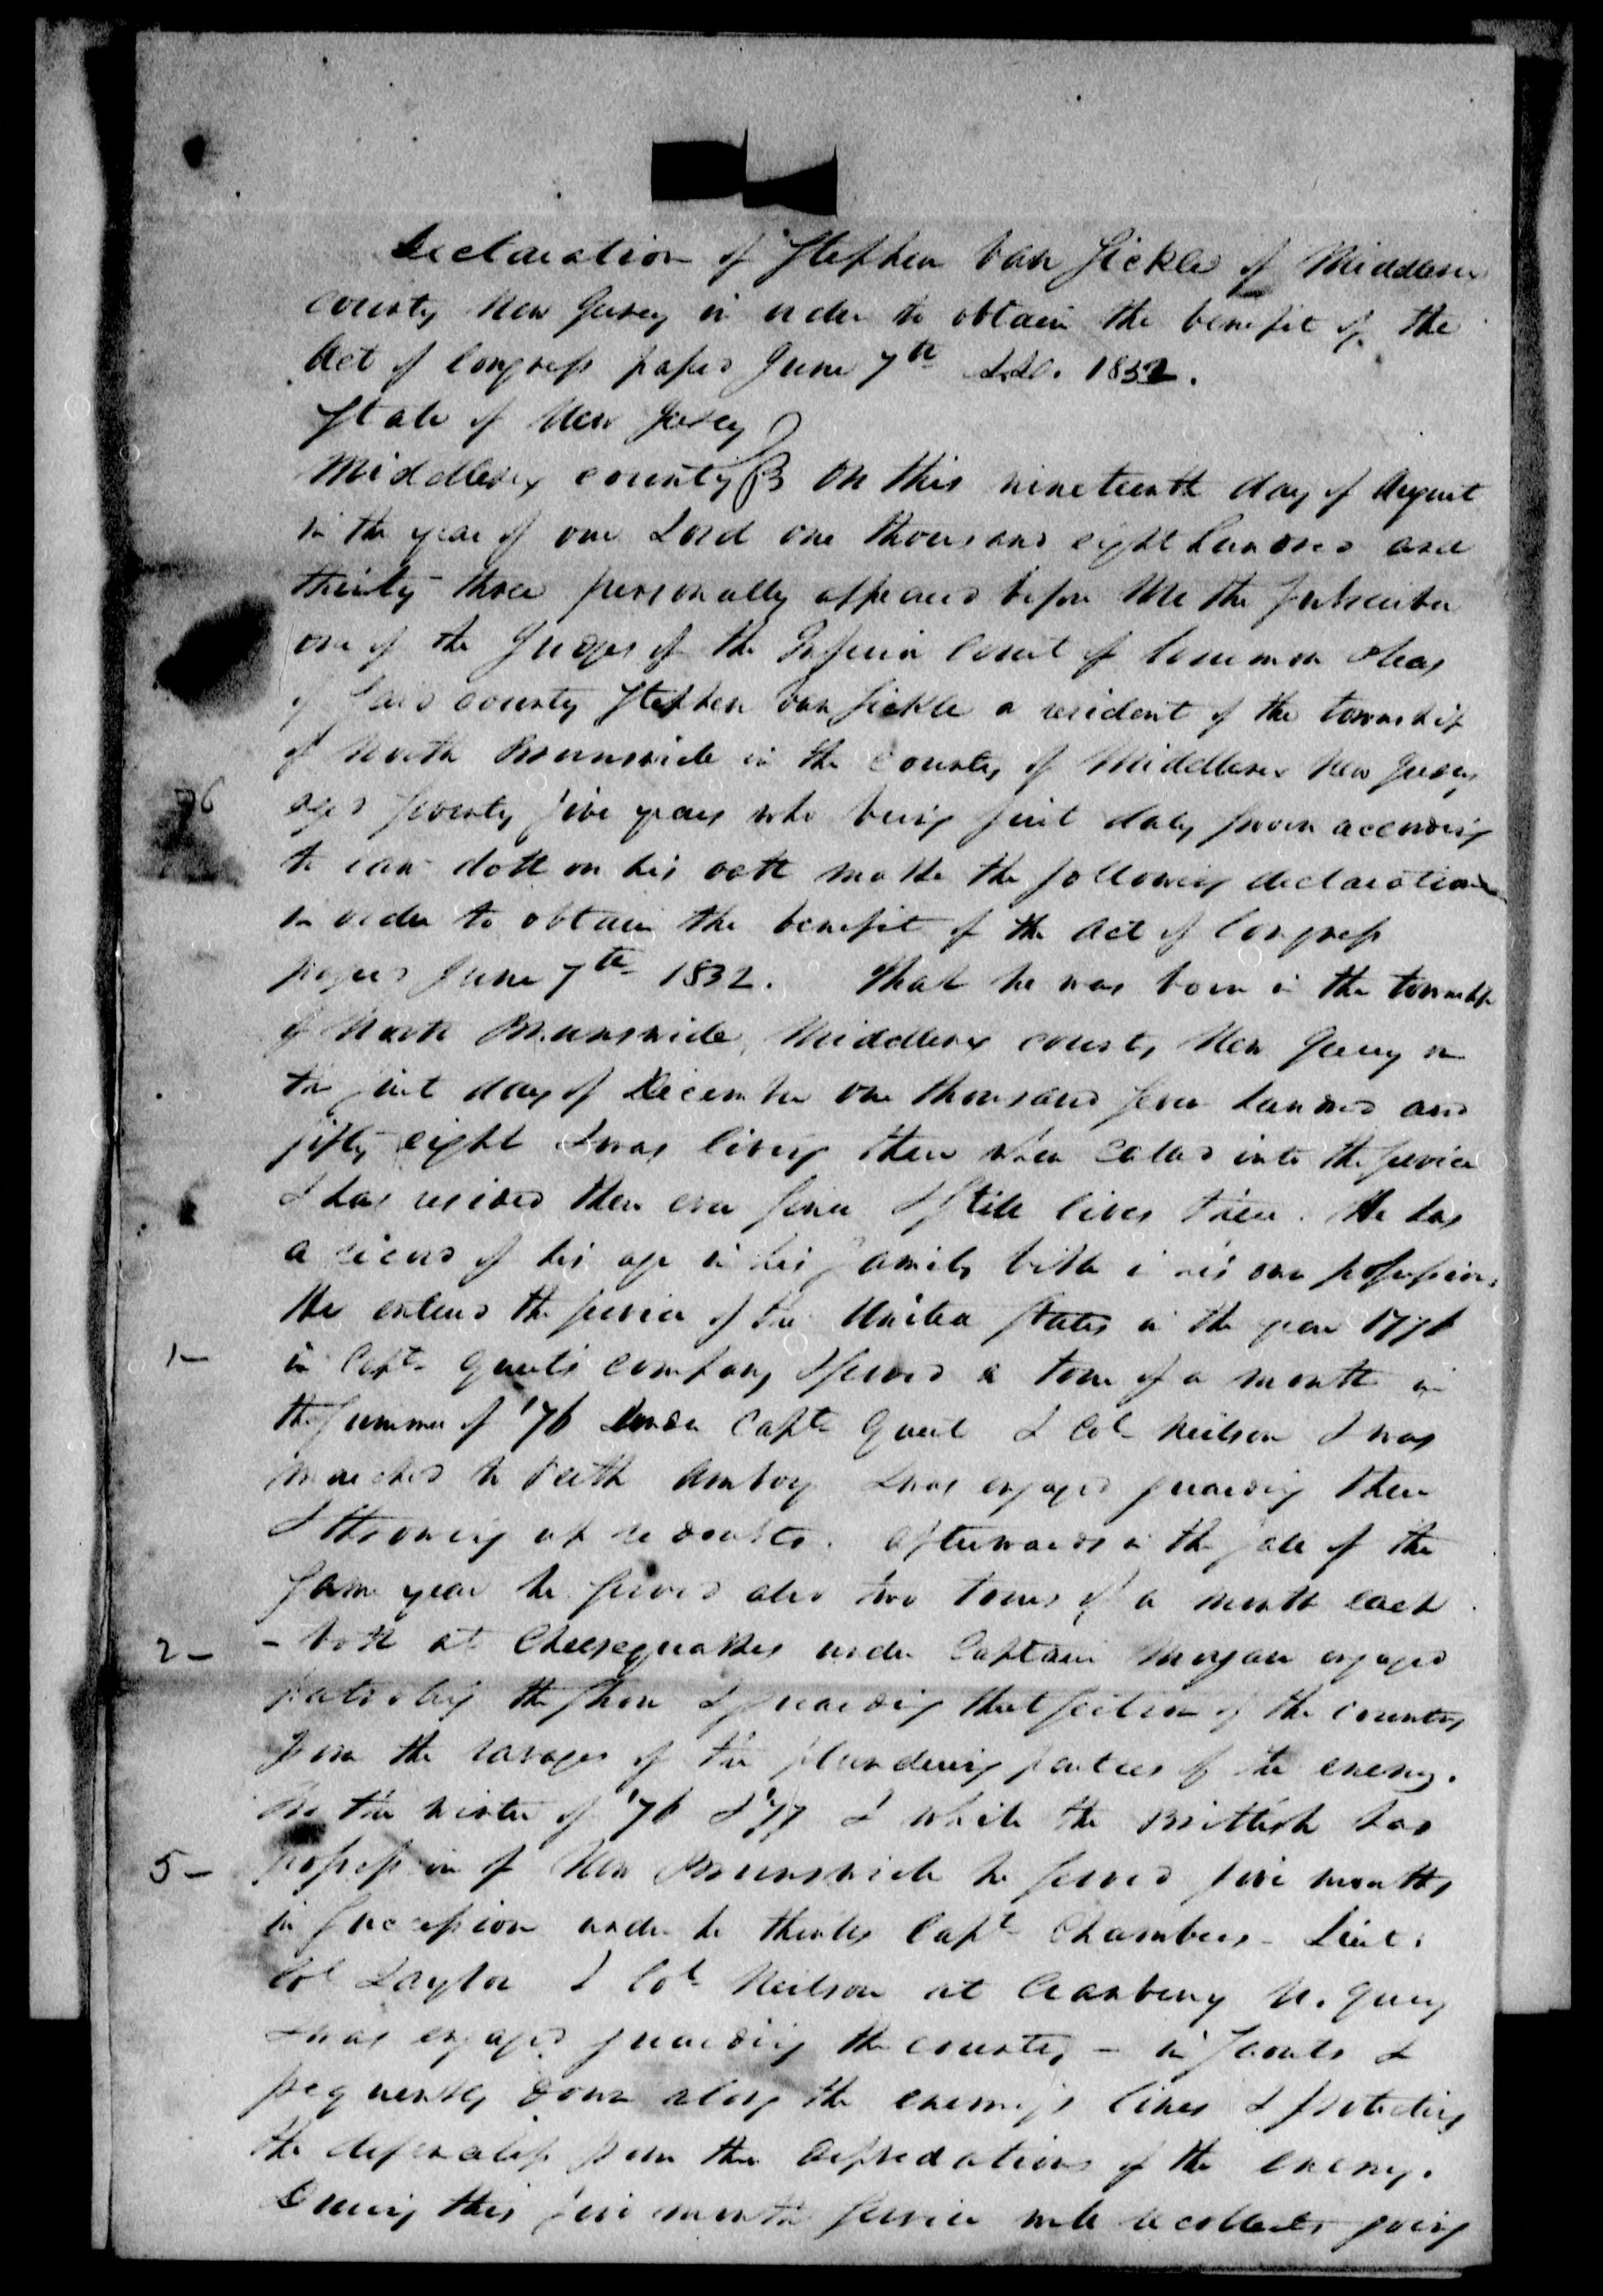-
declaration of Stephen Van Sickle of Middlesex
County New Jersey in order to obtain the benefit of the
Act of Congress paped June 7th A.D. 1852
State of New July
Middlesex County ⎬ On this nineteenth day of August
in the year of our Lord one thousand eight hundred and
thirty three personally appeared before me the subscribed
one of the Judges of the Inferior Court of Common Pleas
of said County Stephen Van Sickle a resident of the township
of North Brunswick in the County of Middlesex New Juses
seventy five years who being just duly sworn according to
law doth on his oath make the following declaration
in order to obtain the benefit of the act of Congress
papers June 7th 1832. That he was born in the town of
North Brunswick Middlesex county NEW Jersey on
that day of December one thousand five hundred and
fifty eight I was living them when called into the service
has resided then ever since still lives them. He has
a record of his age in his family with this our possession
he entered the service of the United States in the year 1776
in Capt Garts company served a tour of a month in
the summer of 1776 under Capt Gual Col Nilson I was
marched to Perth Amboy was engaged quarry then
throne of redoubts. Afterwards of the sale of the same
year he served also two towns of a month each
both at Cheesequates under Captain Morgan engaged
patrol the shore guarding that section of the County
from the ravages of the landing parties of the enemy
the winter of 1776 & 1777 & while the Brittish has
possess in of New Brunswick he served five month,
succession and he thinks Capt Chambers, it
Taylor lot Neilson at Carbery S. Guy
was exaged guarding the county in Cont &
frequently down by the enemies lines & probating
the deperate from the depredations of the every
ing this month service he recollects going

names: Moyan, Taylor, Stephen Van Sickle, Neilson, Chambers, Neilson, Gerret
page: 5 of 12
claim: survivor's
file: S. 1136, Stephen Van Sickle, New Jersey